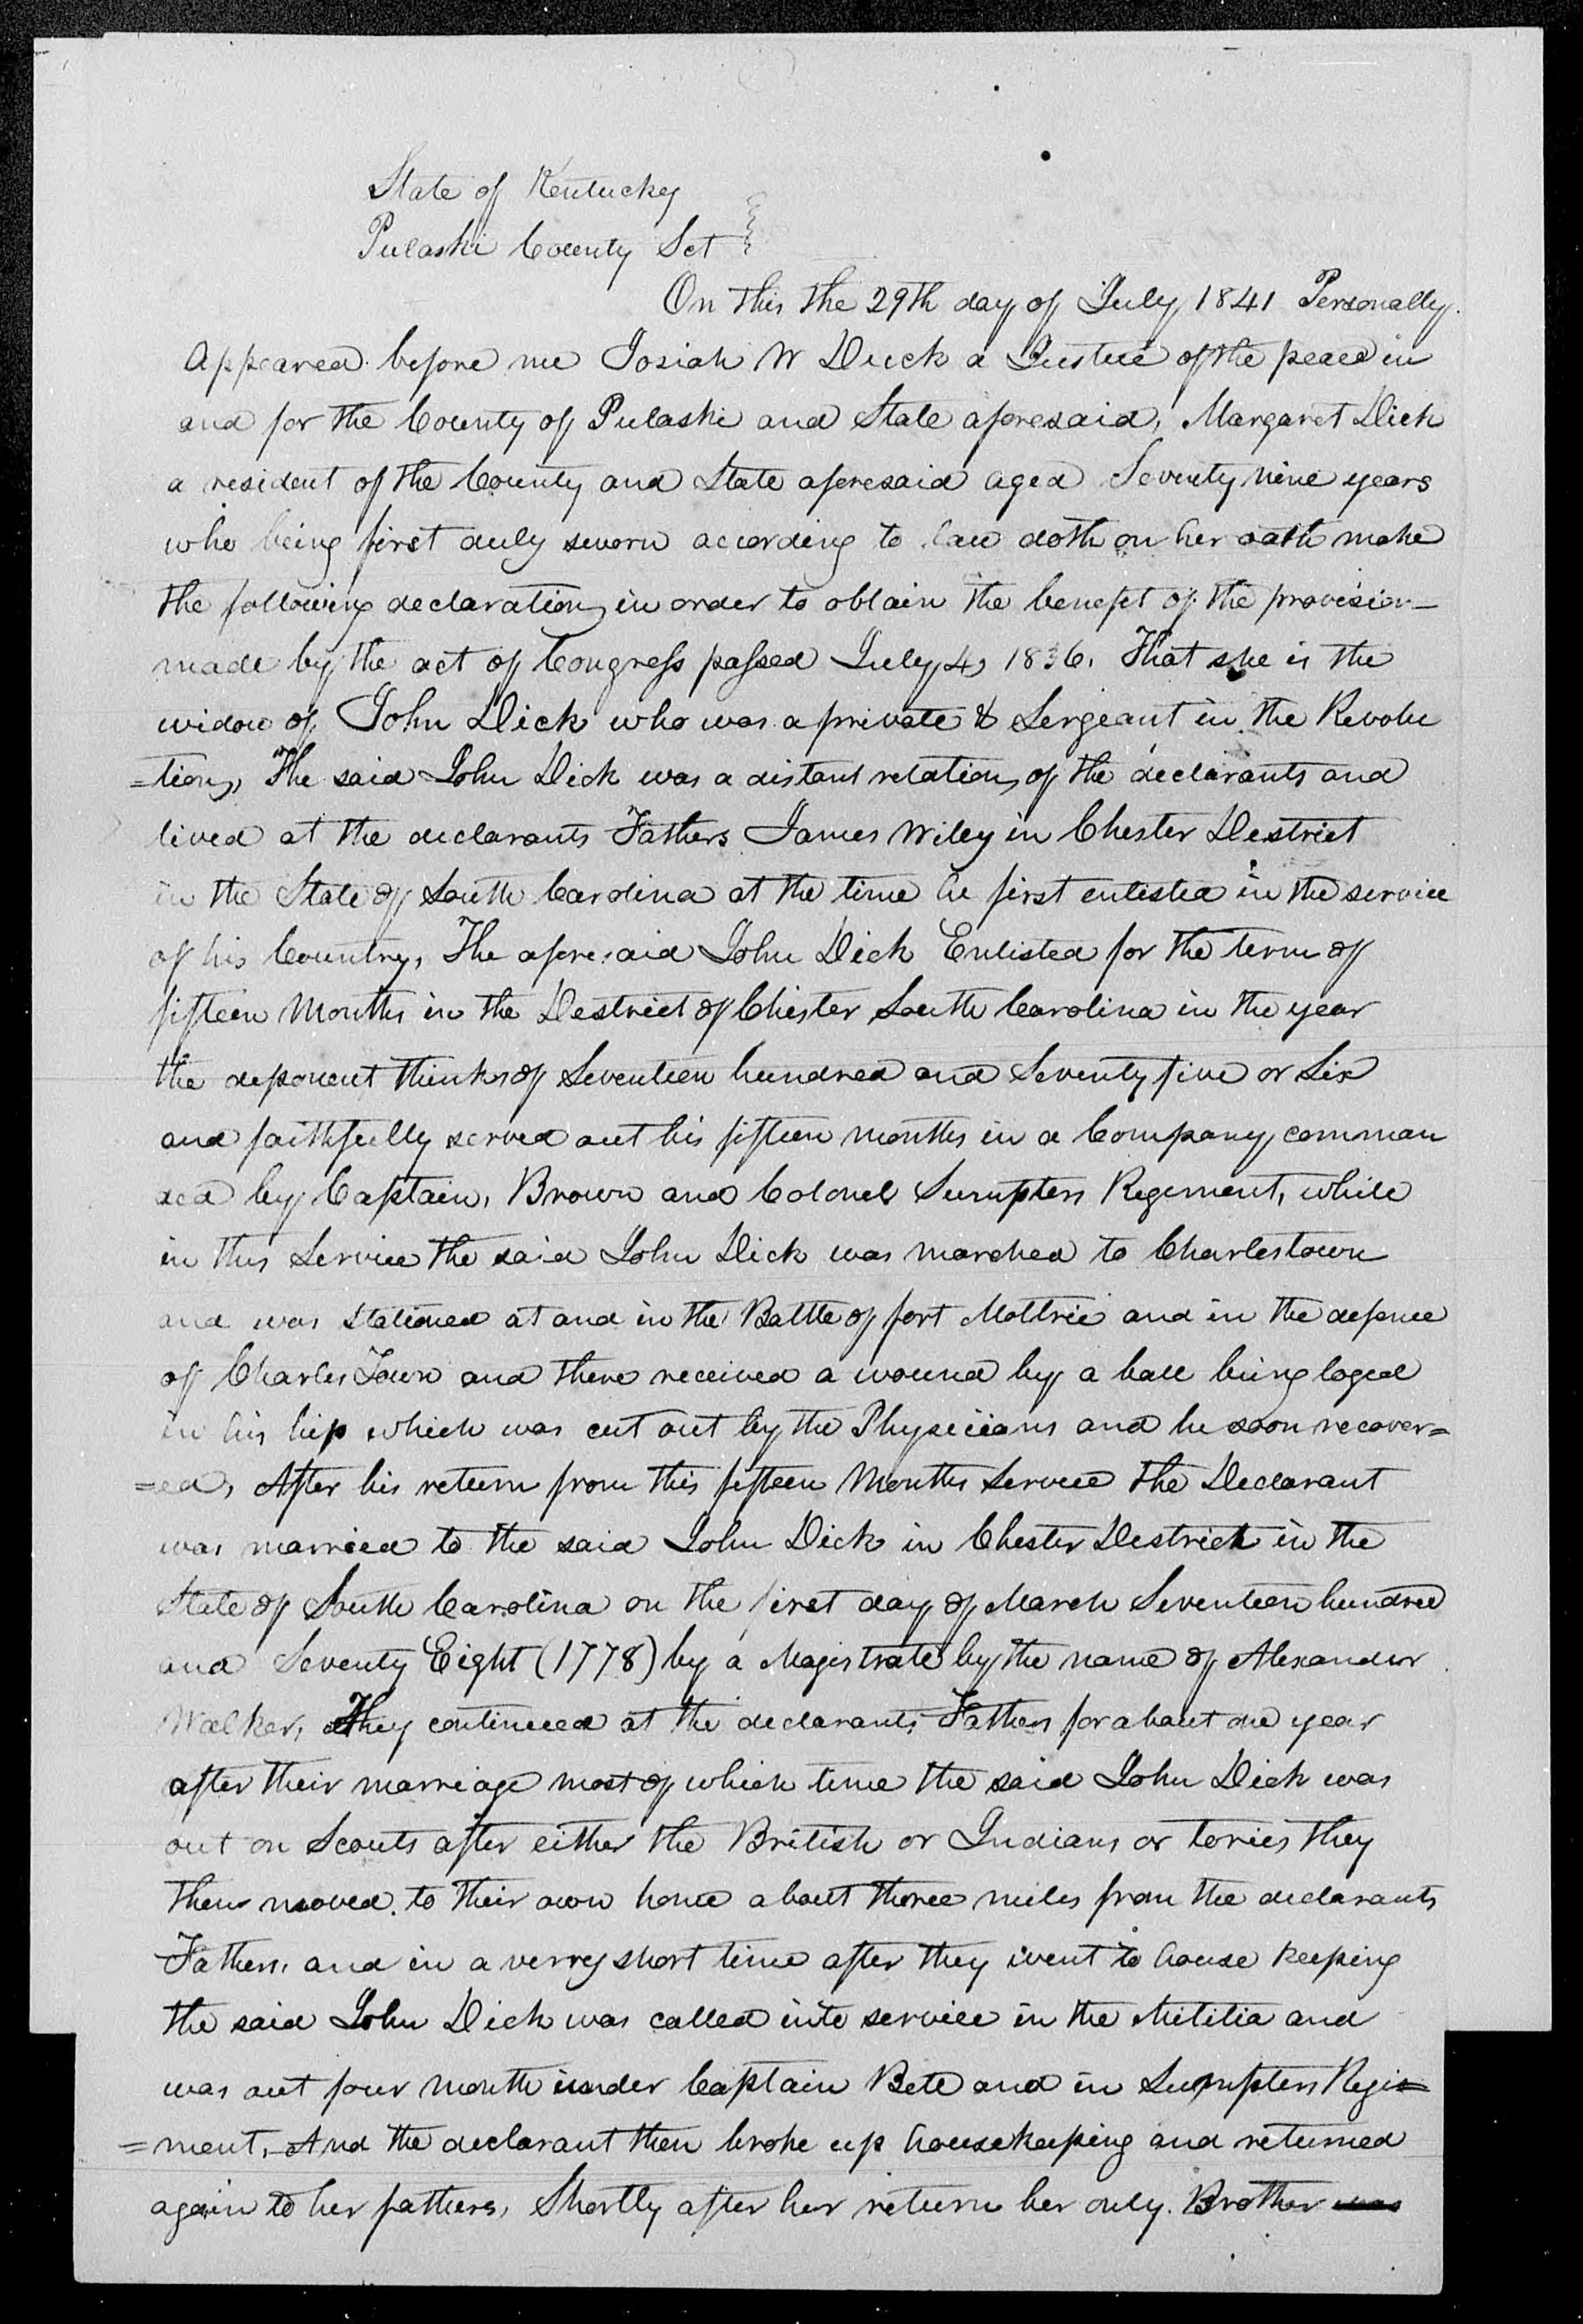State of Kentucky Pulaski County Set 
On this the 29th day of July 1841 Personally appeared before me Josiah W Duck a Justice of the peace in and for the County of Pulaski and State aforesaid, Margaret Dick a resident of the County and State aforesaid aged Seventy nine years who being first duly sworn according to law doth on her oath make the following declaration in order to obtain the benefit of the provision made by the act of Congress passed July 4, 1836. That she is the widow of John Dick who was a private & Sergeant in the Revolution. The said John Dick was a distant relation of the declarants and lived at the declarants Father James Wiley in Chester District in the State of South Carolina at the time he first enlisted in the service of his Country. The aforesaid John Dick Enlisted for the term of fifteen months in the District of Chester South Carolina in the year the declarant thinks of Seventeen hundred and Seventy five or six and faithfully served out his fifteen months in a company commanded by Captain Brown and Colonel Sumpter Regiment, while in this service the said John Dick was marched to Charlestown and was stationed at and in the Battle of fort Moultrie and in the defence of Charles Town and there received a wound by a ball being loged in his hip which was cut out by the Physicians and he soon recovered. After his return from this fifteen months service the Declarant was married to the said John Dick in Chester District in the State of South Carolina on the first day of March Seventeen hundred and Seventy Eight (1778) by a Magistrate by the name of Alexander Walker. They continued at the declarants Father for about one year after their marriage most of which time the said John Dick was out on Scouts after either the British or Indians or tories. They then moved to their own home about three miles from the declarants Fathers, and in a very short time after they went to house keeping. The said John Dick was called into service in the Militia and was out four month under Captain B[illegilbe] and in Sumpter Regiment. And the declarant then broke up housekeeping and returned again to her fathers. Shortly after her return her only Brother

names: John Dick, Brown, John Dick, Josiah W Dieck, James Wiley, Bell, Margaret Dick, John Dick, John Dick, John Dick, John Dick, Alexander Walker, John Dick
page: 3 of 31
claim: widow's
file: W. 8668, John Dick, S C